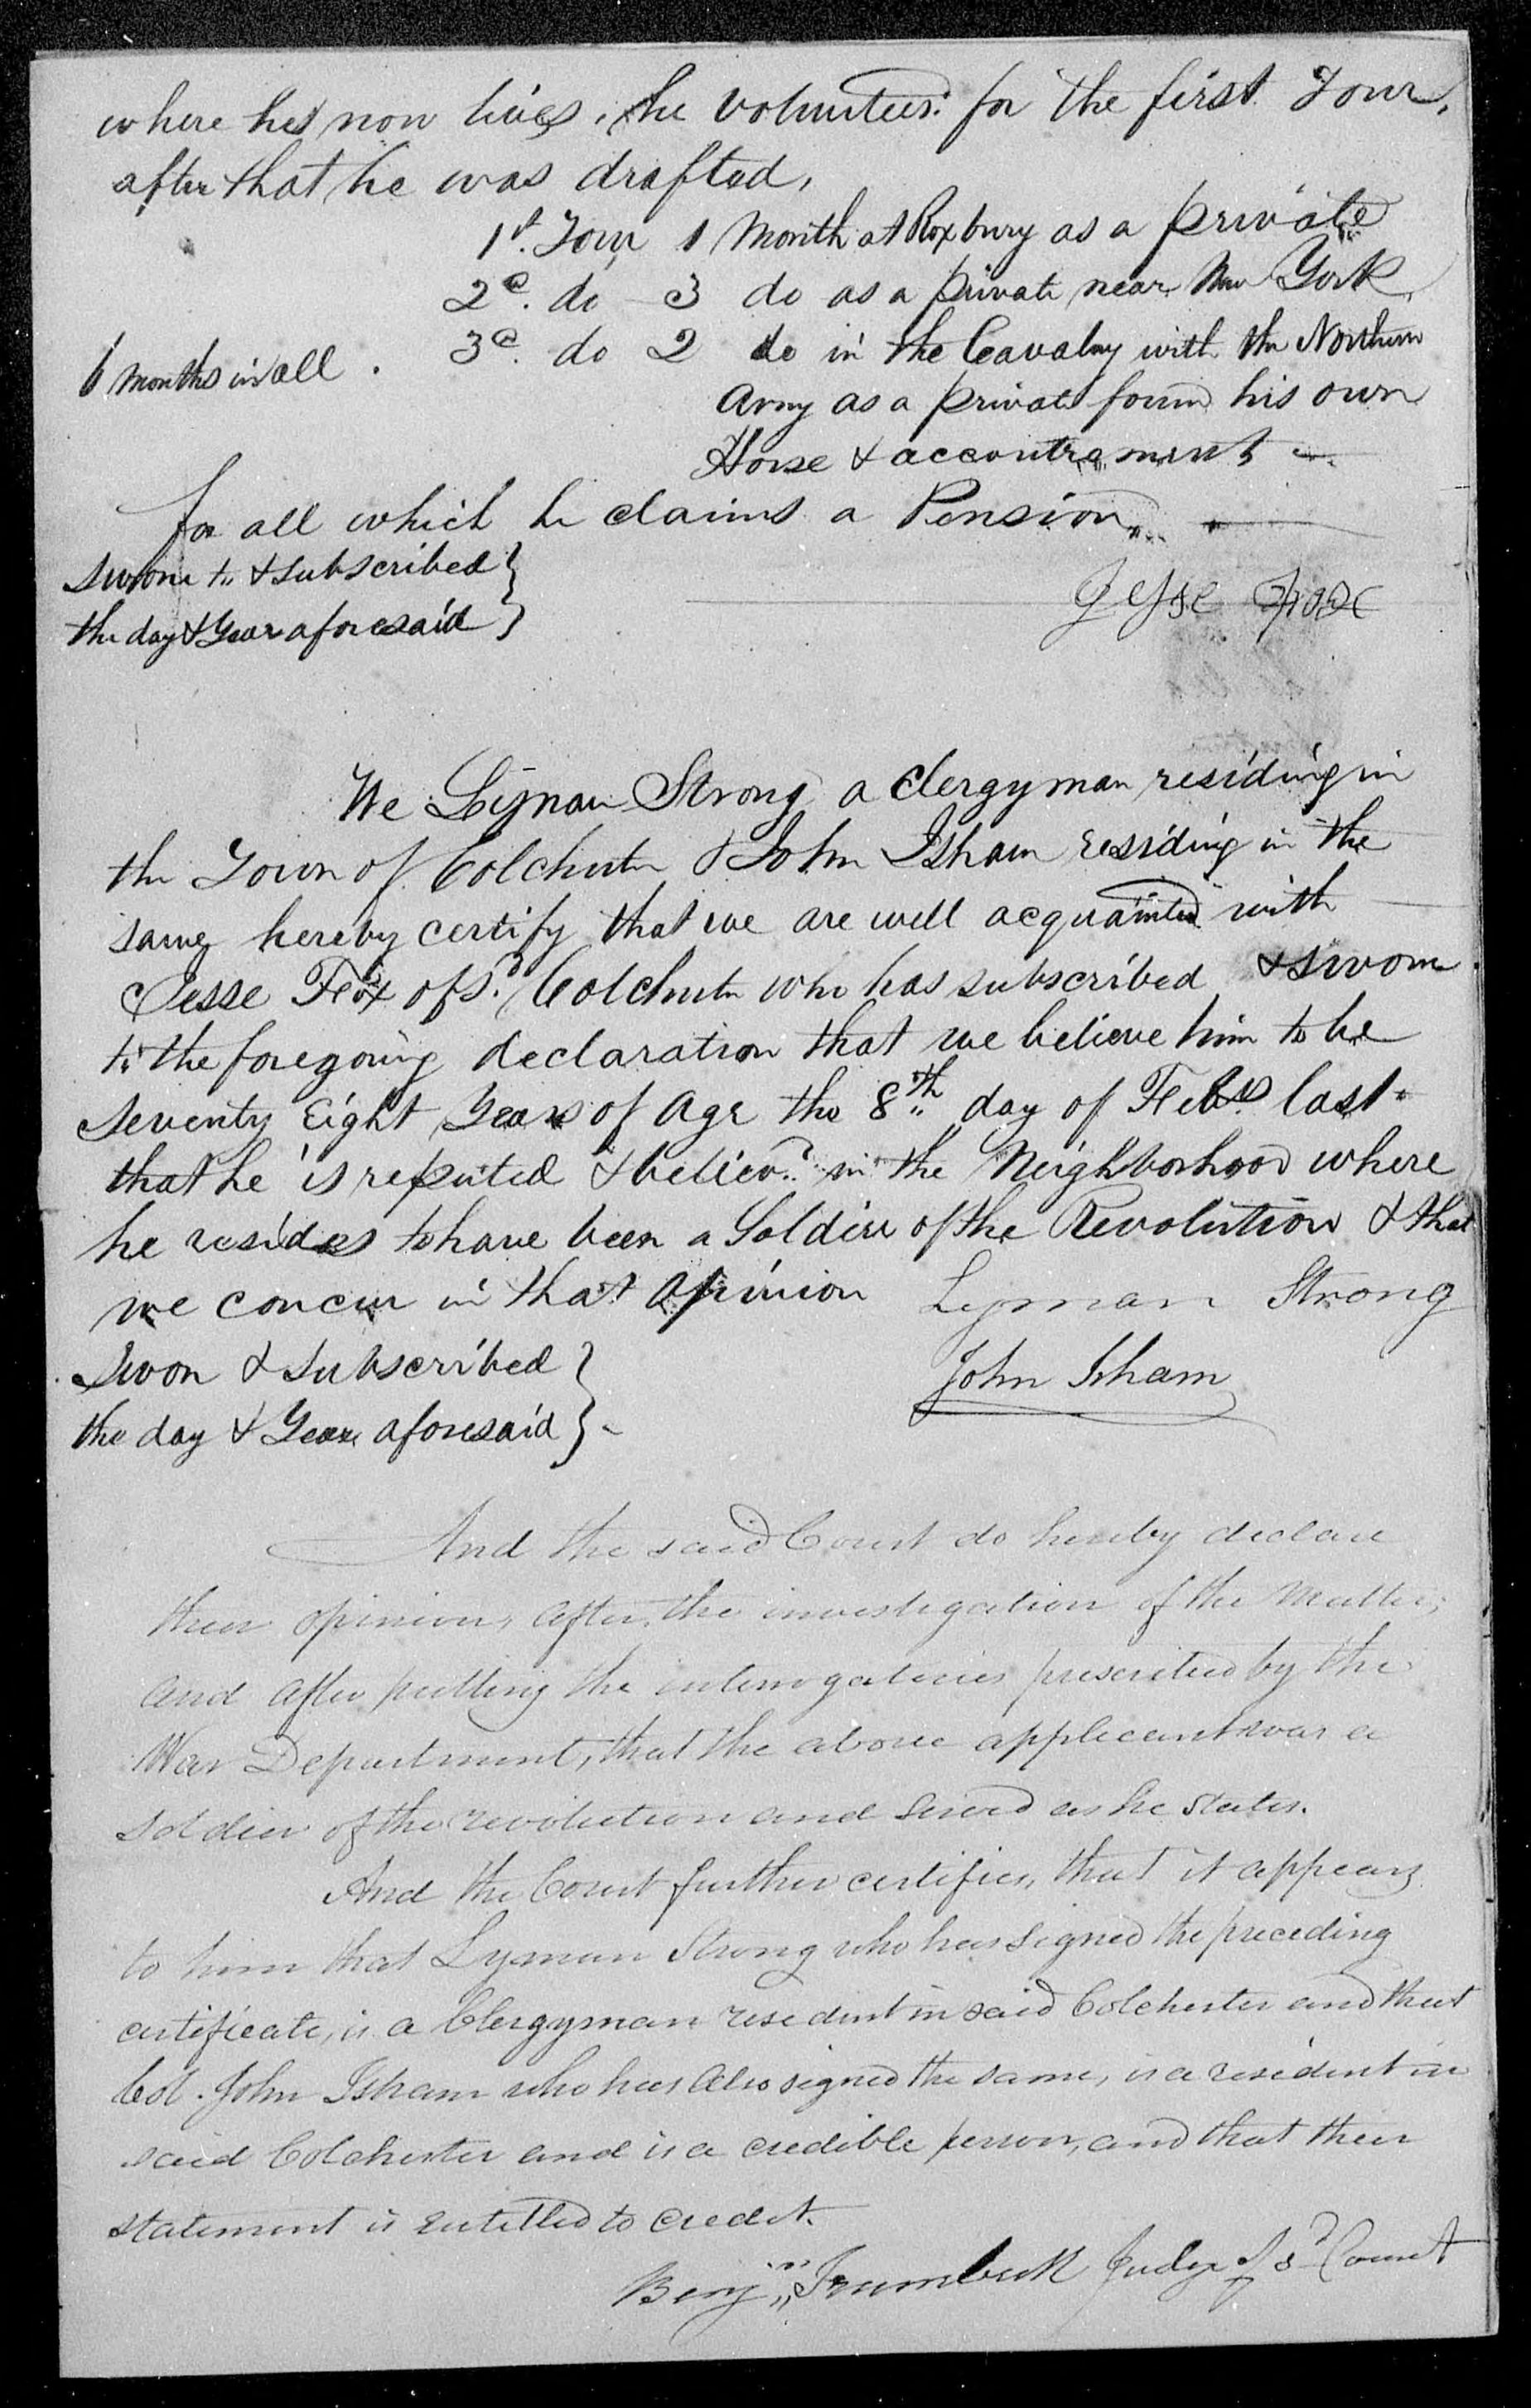where he now lives, he volunteered for the first tour, after that, he was drafted,
1st tour 1 month at Roxbury as a private
2d do 3 do as a private near New York
3d do 2 do in the Cavalry with the Northern army as a private found his own horse & accontraments
6 months in all
For which he claims a pension.
Sworn to & subscribed the say & year aforesaid.

Jesse Fox

We Lyman Strong, a clergyman residing in the town of Colchester & John Isham residing in the same hereby certify that we are well acquainted with Hesse Fox aforsd Colchester who has subscribed & sworn to the foregoing declaration that we believe him to be seventy eight years of age the 8th day of Feby last that he is reputed & believed in the neighborhood where he resides to have been a soldier of the Revolution & that we concur in that opinion.
Sworn & subscribed the day & year aforesaid.

Lyman Strong
John Isham

And the said Court do hereby declare their opinion after the investigation of the matter; and after putting the interrogatories prescribed by the War Department, that the above applicant was a soldier of the revolution and served as he states.
And the Court further certifies that it appears to him that Lymon Strong who has signed the preceding certificate, is a clergyman resident in said Colchester, and that Col. John Isham who has also signed the same, is a resident in said Colchester and is a credible person, and that their statement is entitled to credit.

Benj Trumbull Judge of sd Court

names: Jesse Fox, John Isham, Jesse Fox, Benjn Trumbull, Lyman Strong, John Isham, Lyman Strong, John Isham, Lyman Strong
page: 7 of 53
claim: rejected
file: R. 3732, Jesse Fox, Conn.